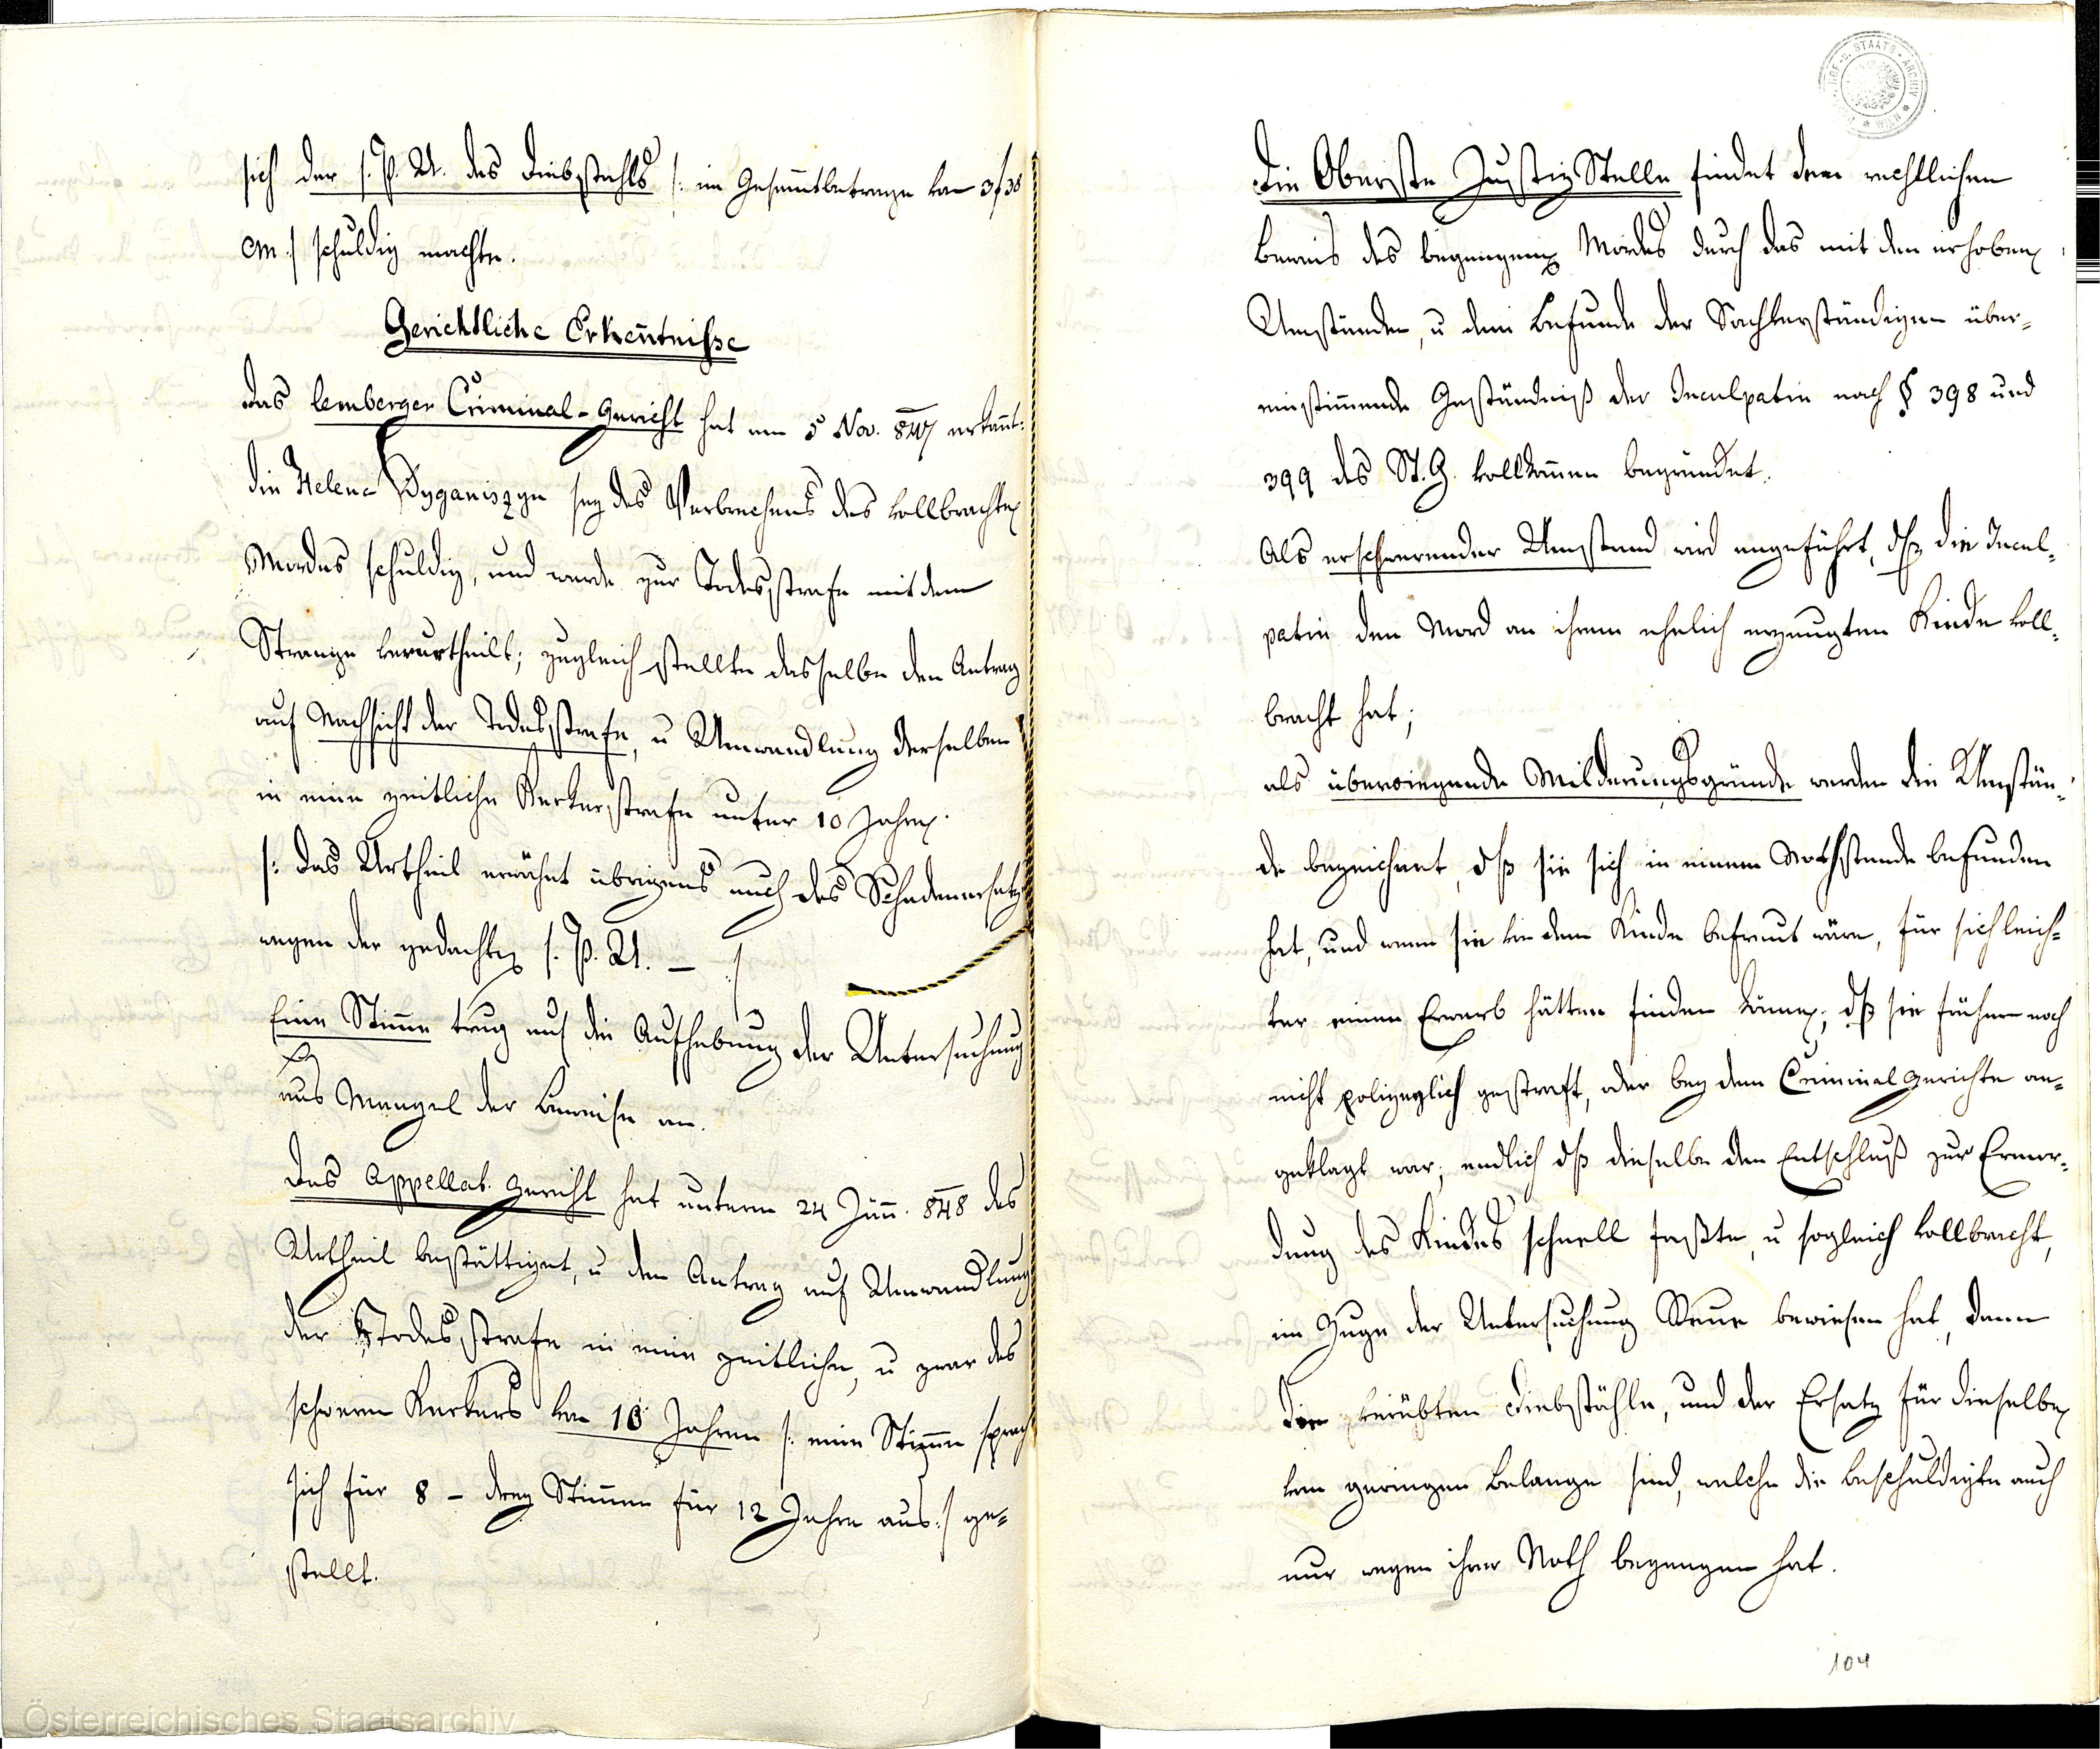sich der 1. St. A des Diebstahls (m Gesammtbetrage von 3/38
OW) schuldig machte.
Gerichtliche Erkenntnisse
Das Lemberger Criminal-Gericht hat am 5 Nov. 847 erkannt:
Die Helene Dyganiszyn sey des Verbrechens des vollbrachten
Mordes schuldig, und wurde zur Todesstrafe mit dem
Strange verurtheilt; zugleich stellte dasselbe den Antrag
auf Nachsicht der Todesstrafe, u. Umwandlung derselben
in eine zeitliche Kerkerstrafe unter 10 Jahren.
(Das Urtheil erwähnt übrigens auch des Schadenersatz
wegen der gedachten 1St.21)
Eine Stimme trug auf die Aufhebung der Untersuchung
aus Mangel der Beweise an.
Das Appelat Gericht hat unterm 24 Jänn. 848 des
Urtheil bestättiget, u den Antrag auf Umwandlung
der Todesstrafe in eine zeitliche, u zwar des
schweren Kerkers vom 10 Jahren (eine Stimme sprach
sich für 8 – drey Stimmen für 12 Jahre aus) ge¬
stellt.
Die Oberste Justizstelle findet den rechtlichen
Beweis des begangenen Mordes durch das mit den Erhobenen
Umständen, u dem Befunde der Sachverständigen über¬
einstimmende Geständniß der Inculpatin nach §398 und
399 des St. G. vollkommen begründet.
Als erschwerender Umstand wird angeführt, daß die Incul¬
patin den Mord an ihrem ehelich erzeugten Kinde voll¬
bracht hat;
Als überwiegende Milderungsgründe werden die Umstän¬
de bezeichnet, daß sie sich in einem Notstande befunden
hat, und wenn sie von dem Kinde befreit wäre, für sich leich¬
ter einen Erwerb hätten finden können; daß sie früher noch
nicht polizeylich gestraft, oder bey dem Criminalgerichte an¬
geklagt war, endlich daß dieselbe den Entschluß zur Ermor¬
dung des Kindes schnell faßte, u sogleich vollbracht,
im Zuge der Untersuchung Reue bewiesen hat, denn
der verübten Diebstähle, und der Ersatz für dieselbe
vom geringen Belange sind, welche die beschuldigte auch
nur wegen ihrer Noth begangen hat.